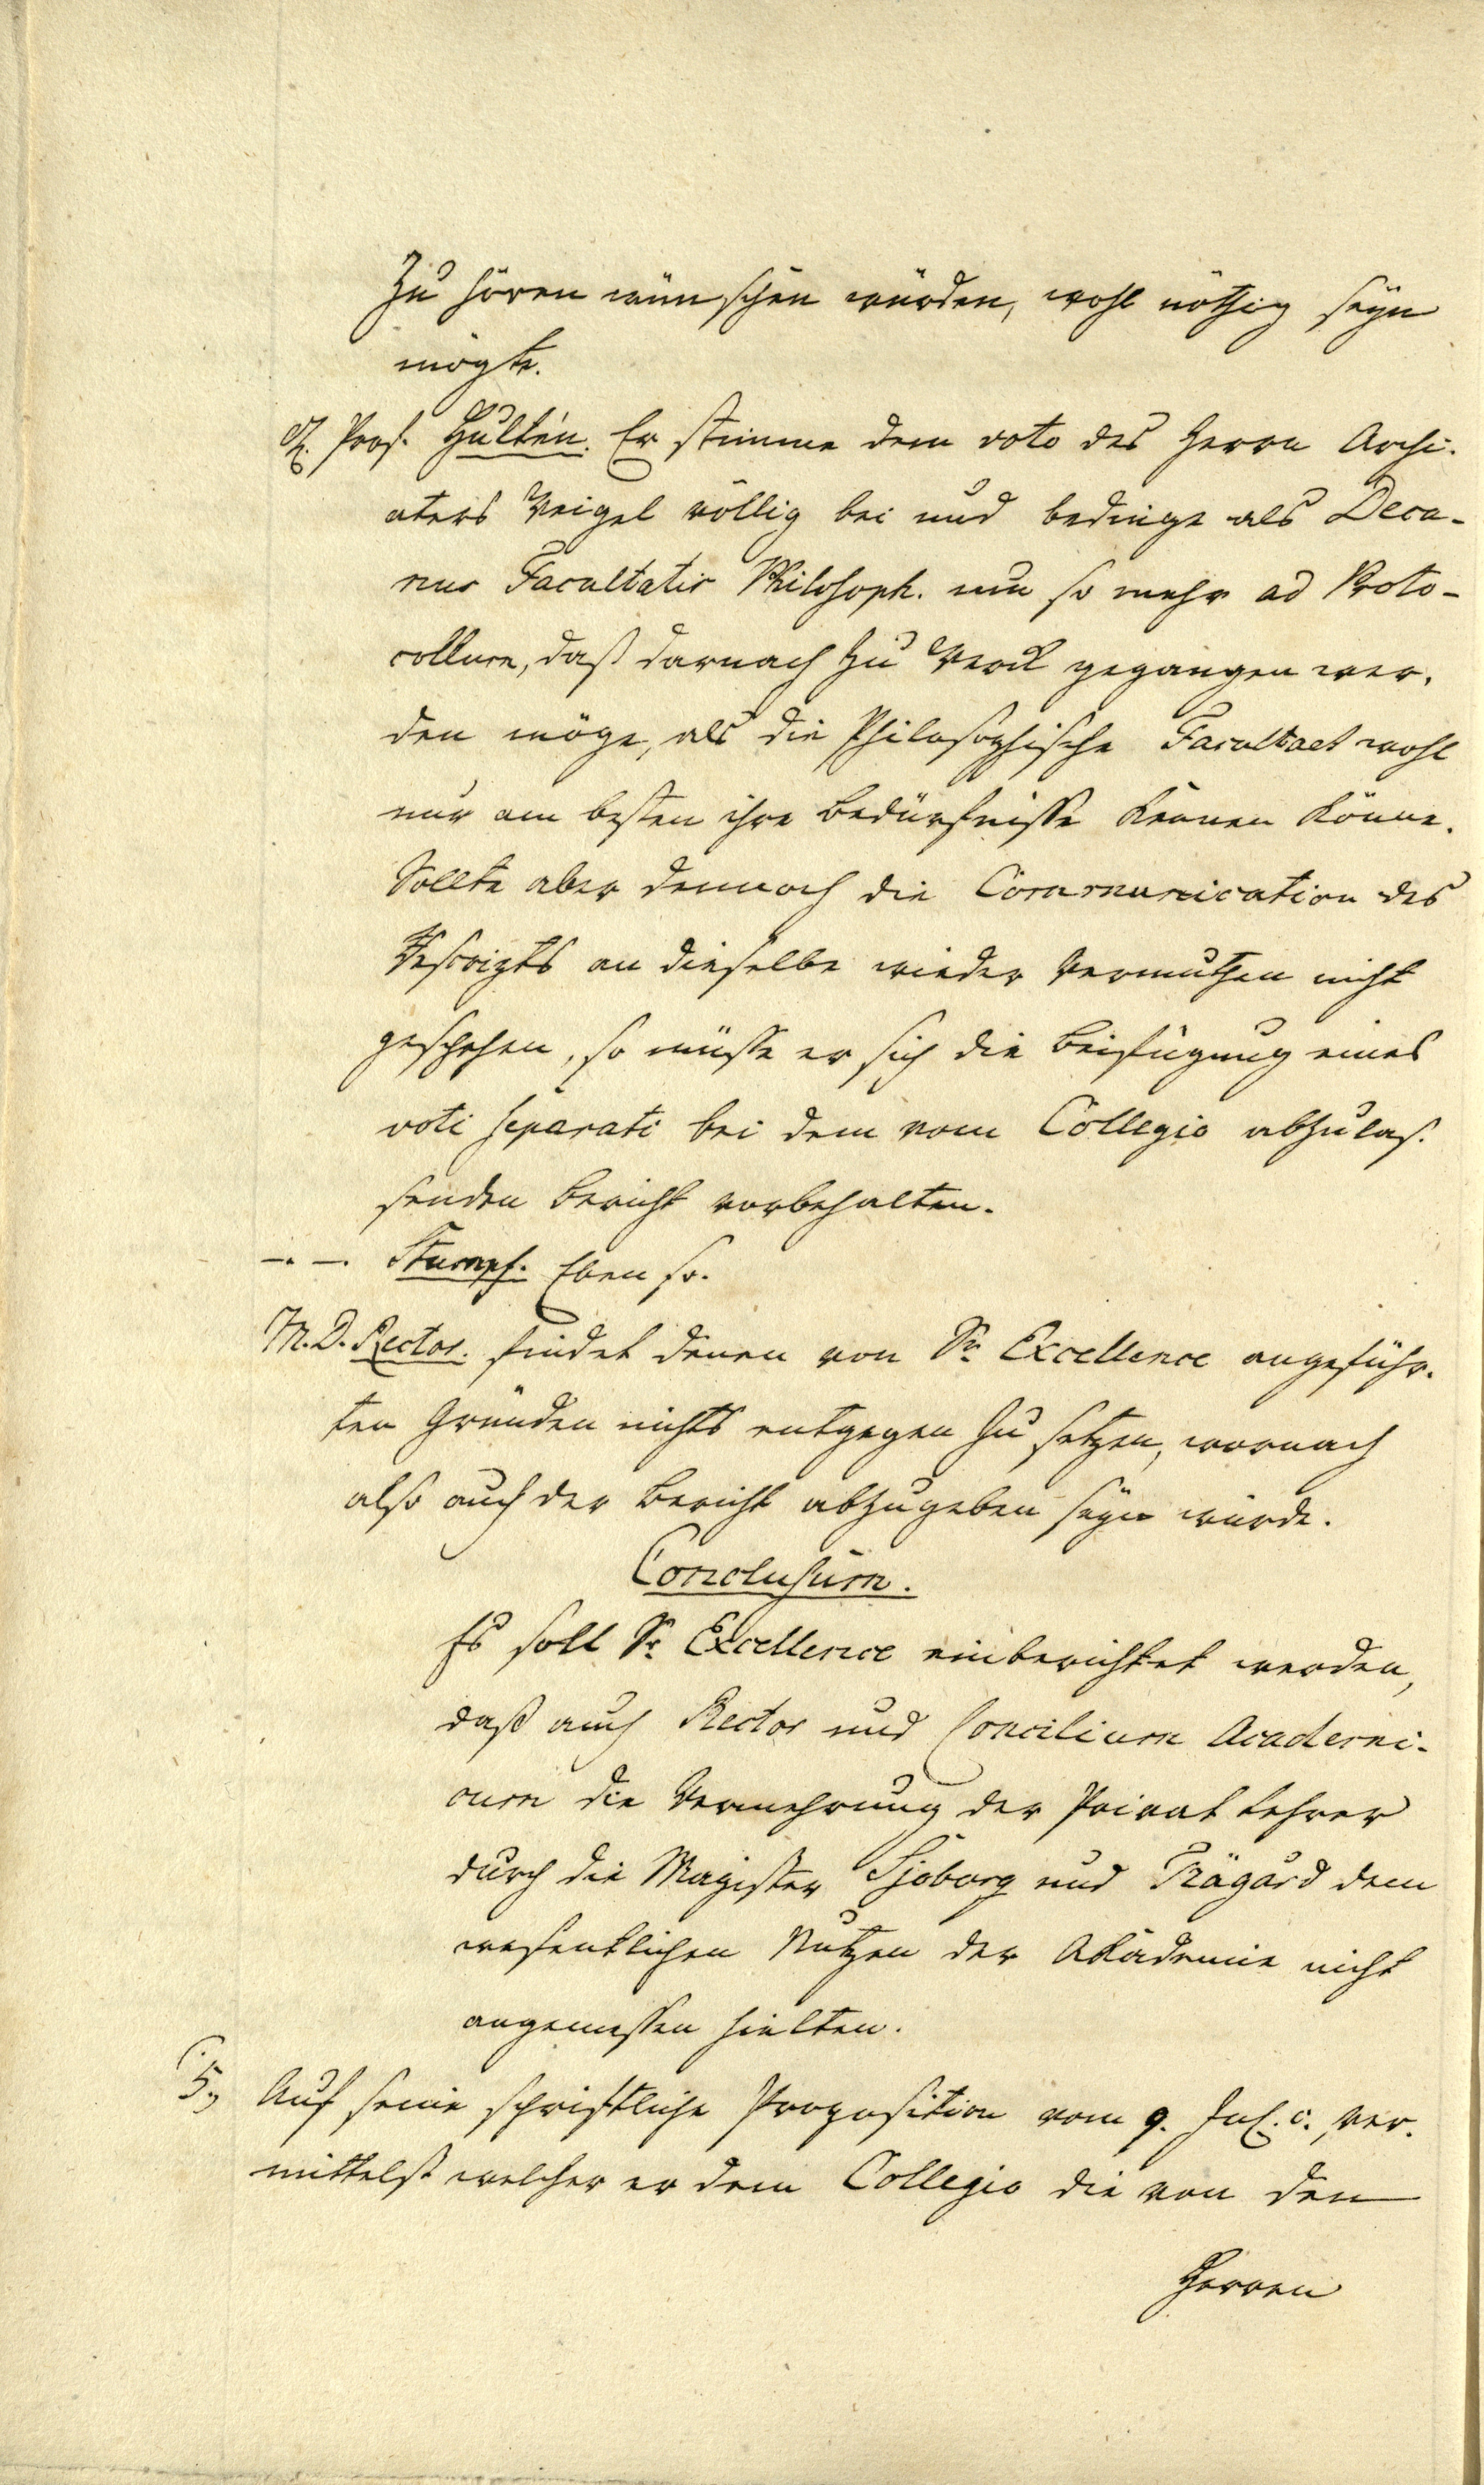Zu hören wünschen würden, wohl nöthig seÿn
mögte.
dh. Prof. Hultèn. Er stimme dem voto des herrn Archi¬
aters Weigel völlig bei und bedingt als Deca¬
nus Facultatis Philosoph. um so mehr ad Proto¬
collum, daß darnach zu Werck gegangen wer¬
den möge, als die Philosophische Facultaet wohl
nur am besten ihre Bedürfnisse kennen könne.
Sollte aber dennoch die Communication des
Rescripts an dieselbe wieder Vermuthen nicht
geschehen, so müsse er sich die Beifügung eines
voti separati bei dem vom Collegio abzulas¬
senden Bericht vorbehalten.
Stumpf. Eben so.
M. D. Rector. findet denen von Sr. Excellence angeführ¬
ten Gründen nichts entgegen zu setzen, wornach
also auch der Bericht abzugeben seÿn würde.
Conclusum
Es soll Sr. Excellence einberichtet werden,
daß auch Rector und Concilium Academi¬
cum die Vermehrung der Privat lehrer
durch die Magister Sjöborg und Trägård dem
wesentlichen Nutzen der Akademie nicht
angemessen hielten.
5., Auf seine schriftliche Proposition vom 9. Jul. c. ver¬
mittelst welcher er dem Collegio die von den
Herren